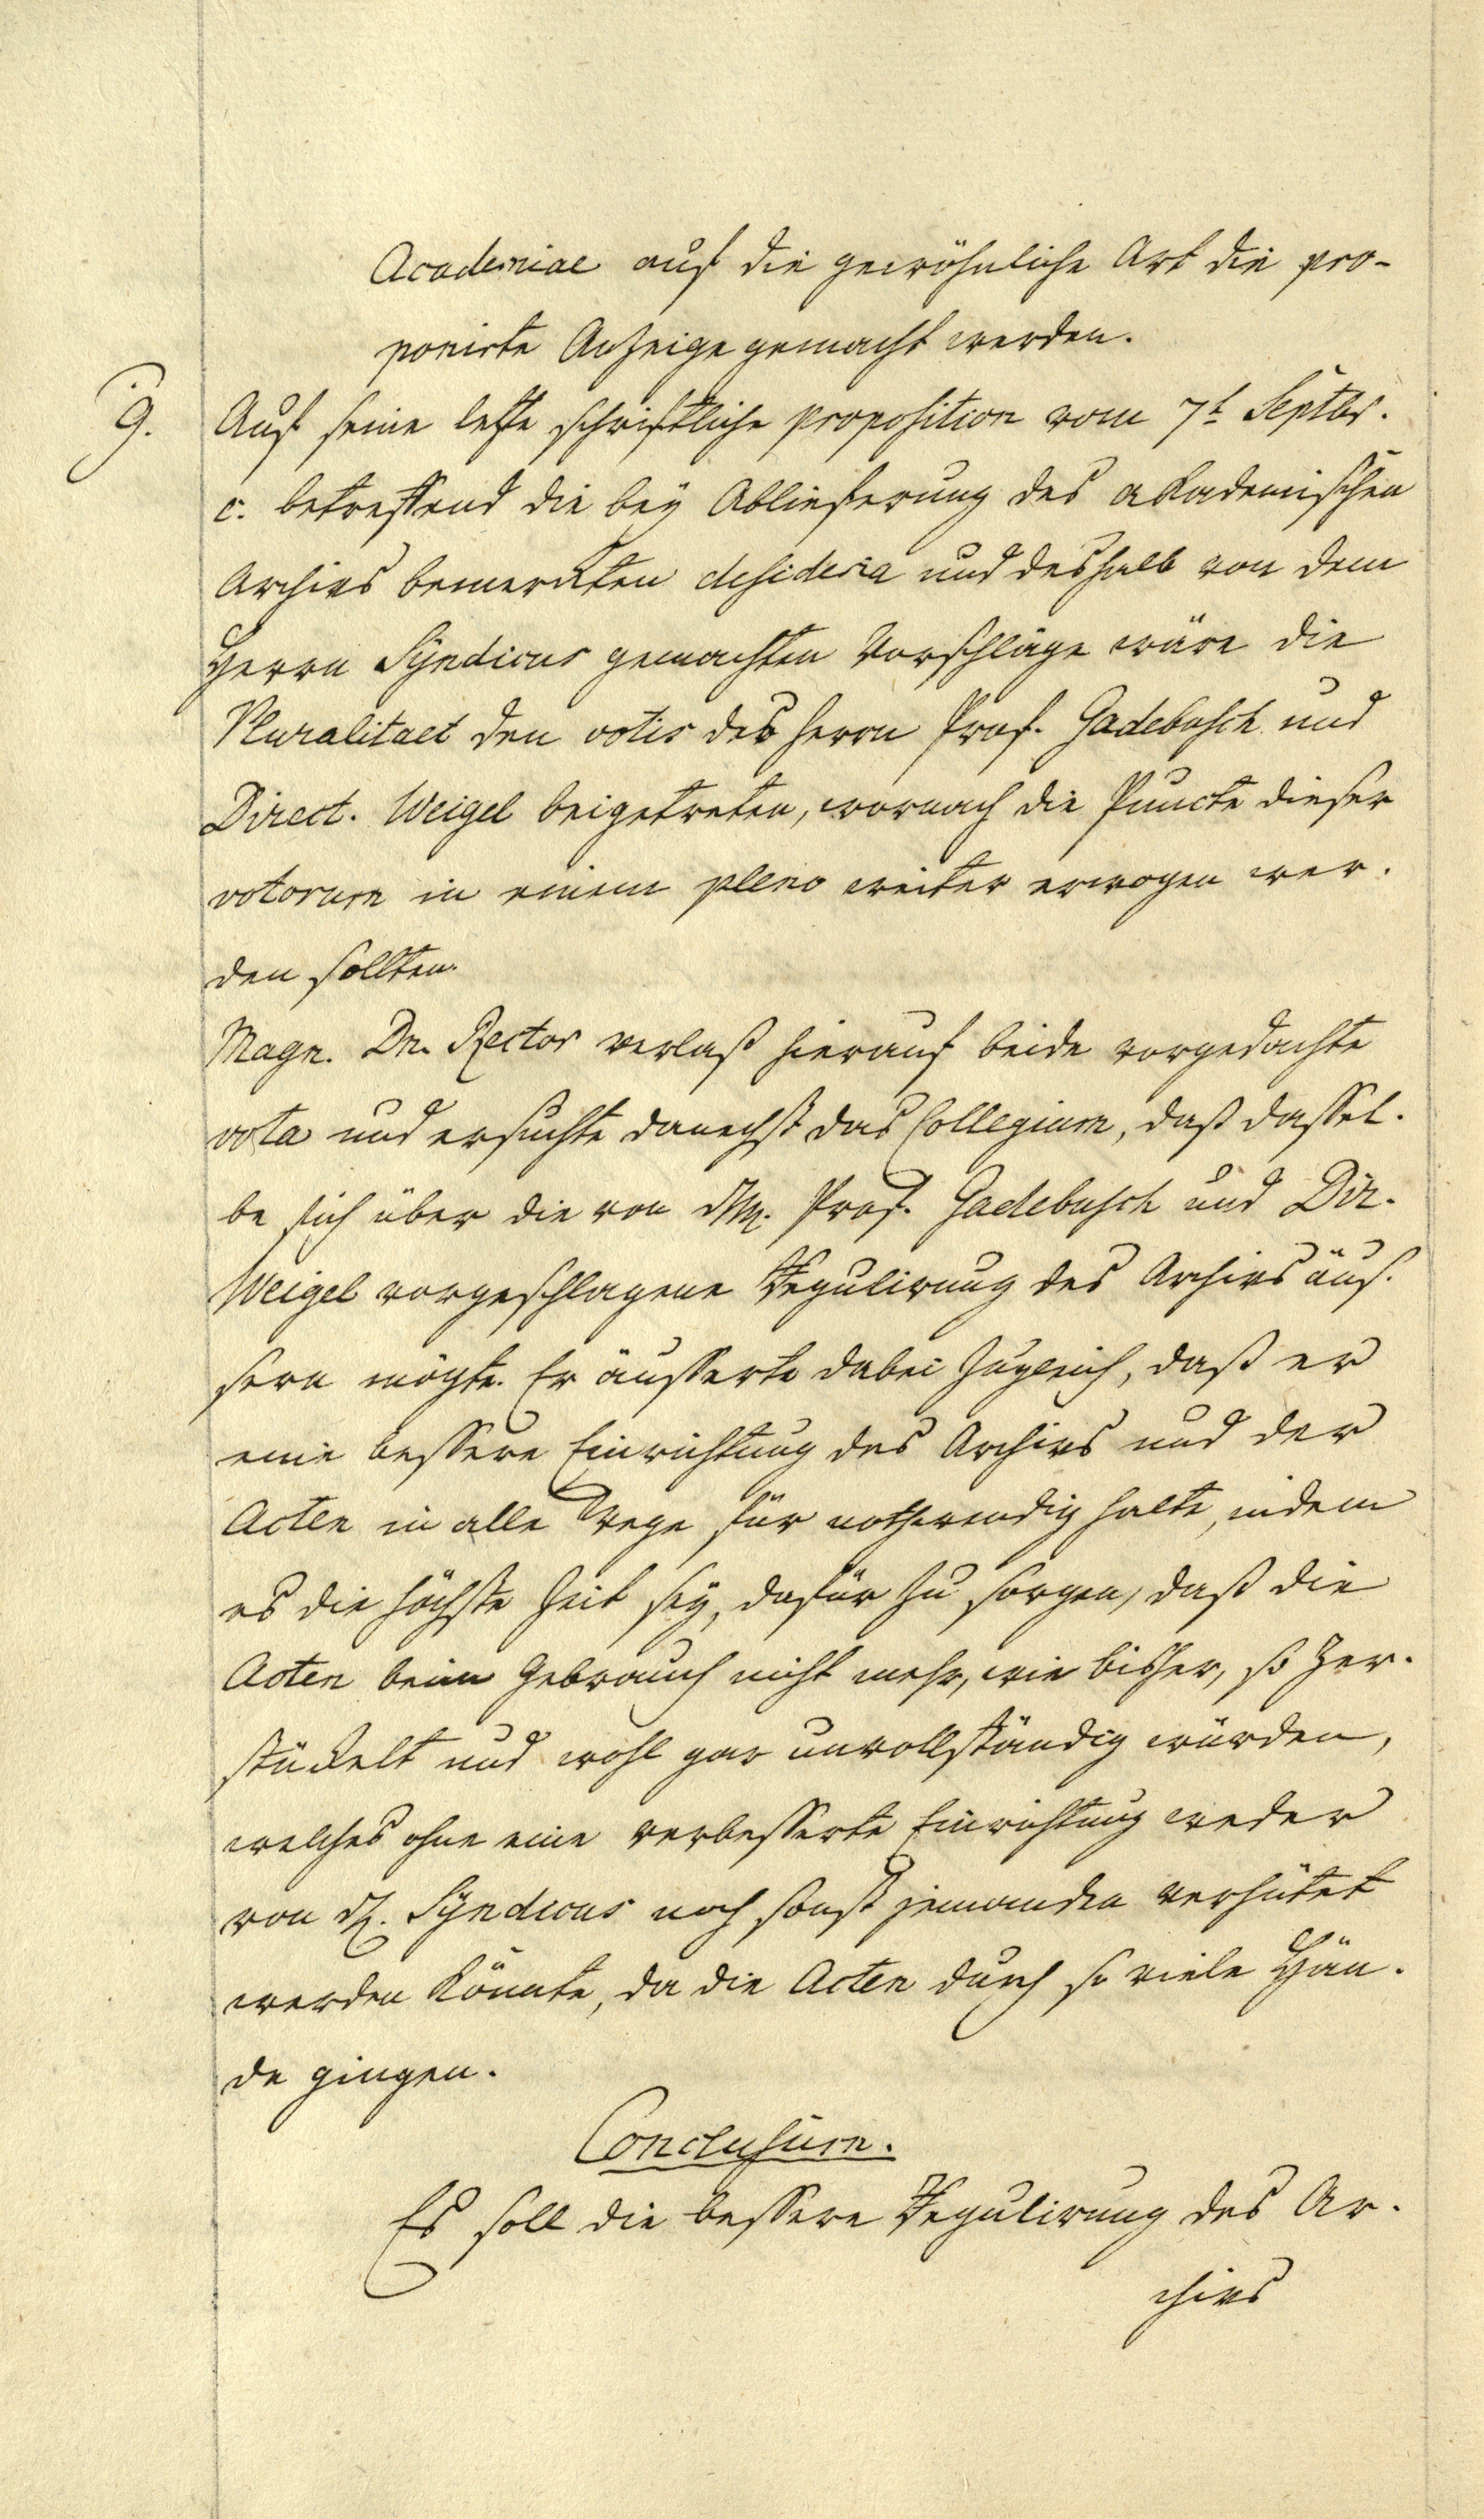Academiae auf die gewöhnlichen Art die pro¬
ponirte Anzeige gemacht werden.
9. Auf seine letzte schriftliche proposition vom 7 t Septbr.
c. betreffend die beÿ Ablieferung des akademischen
Archivs bemerckten desideria und deshalb von dem
Herrn Sÿndicus gemachten Vorschläge wäre die
Pluralitaet den votis der Herrn Prof. Gadebusch und
Direct. Weigel beigetreten, wornach die Puncte dieser
votorum in einem pleno weiter erwogen wer¬
den sollten.
Magn. Dn. Rector verlaß hierauf beide vorgedachte
vota und ersuchte danechst das Collegium, daß dassel¬
be sich über die von dh. Prof. Gadebusch und Dir.
Weigel vorgeschlagene Regulirung des Archivs äus¬
sern mögte. Er äusserte dabei zugleich, daß er
eine bessere Einrichtung des Archivs und der
Acten in alle Wege für nothwendig halte, indem
es die höchste Zeit seÿ, dafür zu sorgen, daß die
Acten beim Gebrauch nicht mehr, wie bisher, so zer¬
stückelt und wohl gar unvollständig würden,
welches ohne eine verbesserte Einrichtung weder
von dh. Sÿndicus noch sonst jemanden verhütet
werden könnte, da die Acten durch so viele Hän¬
de gingen.
Conclusum.
Es soll die bessere Regulirung des Ar¬
chivs